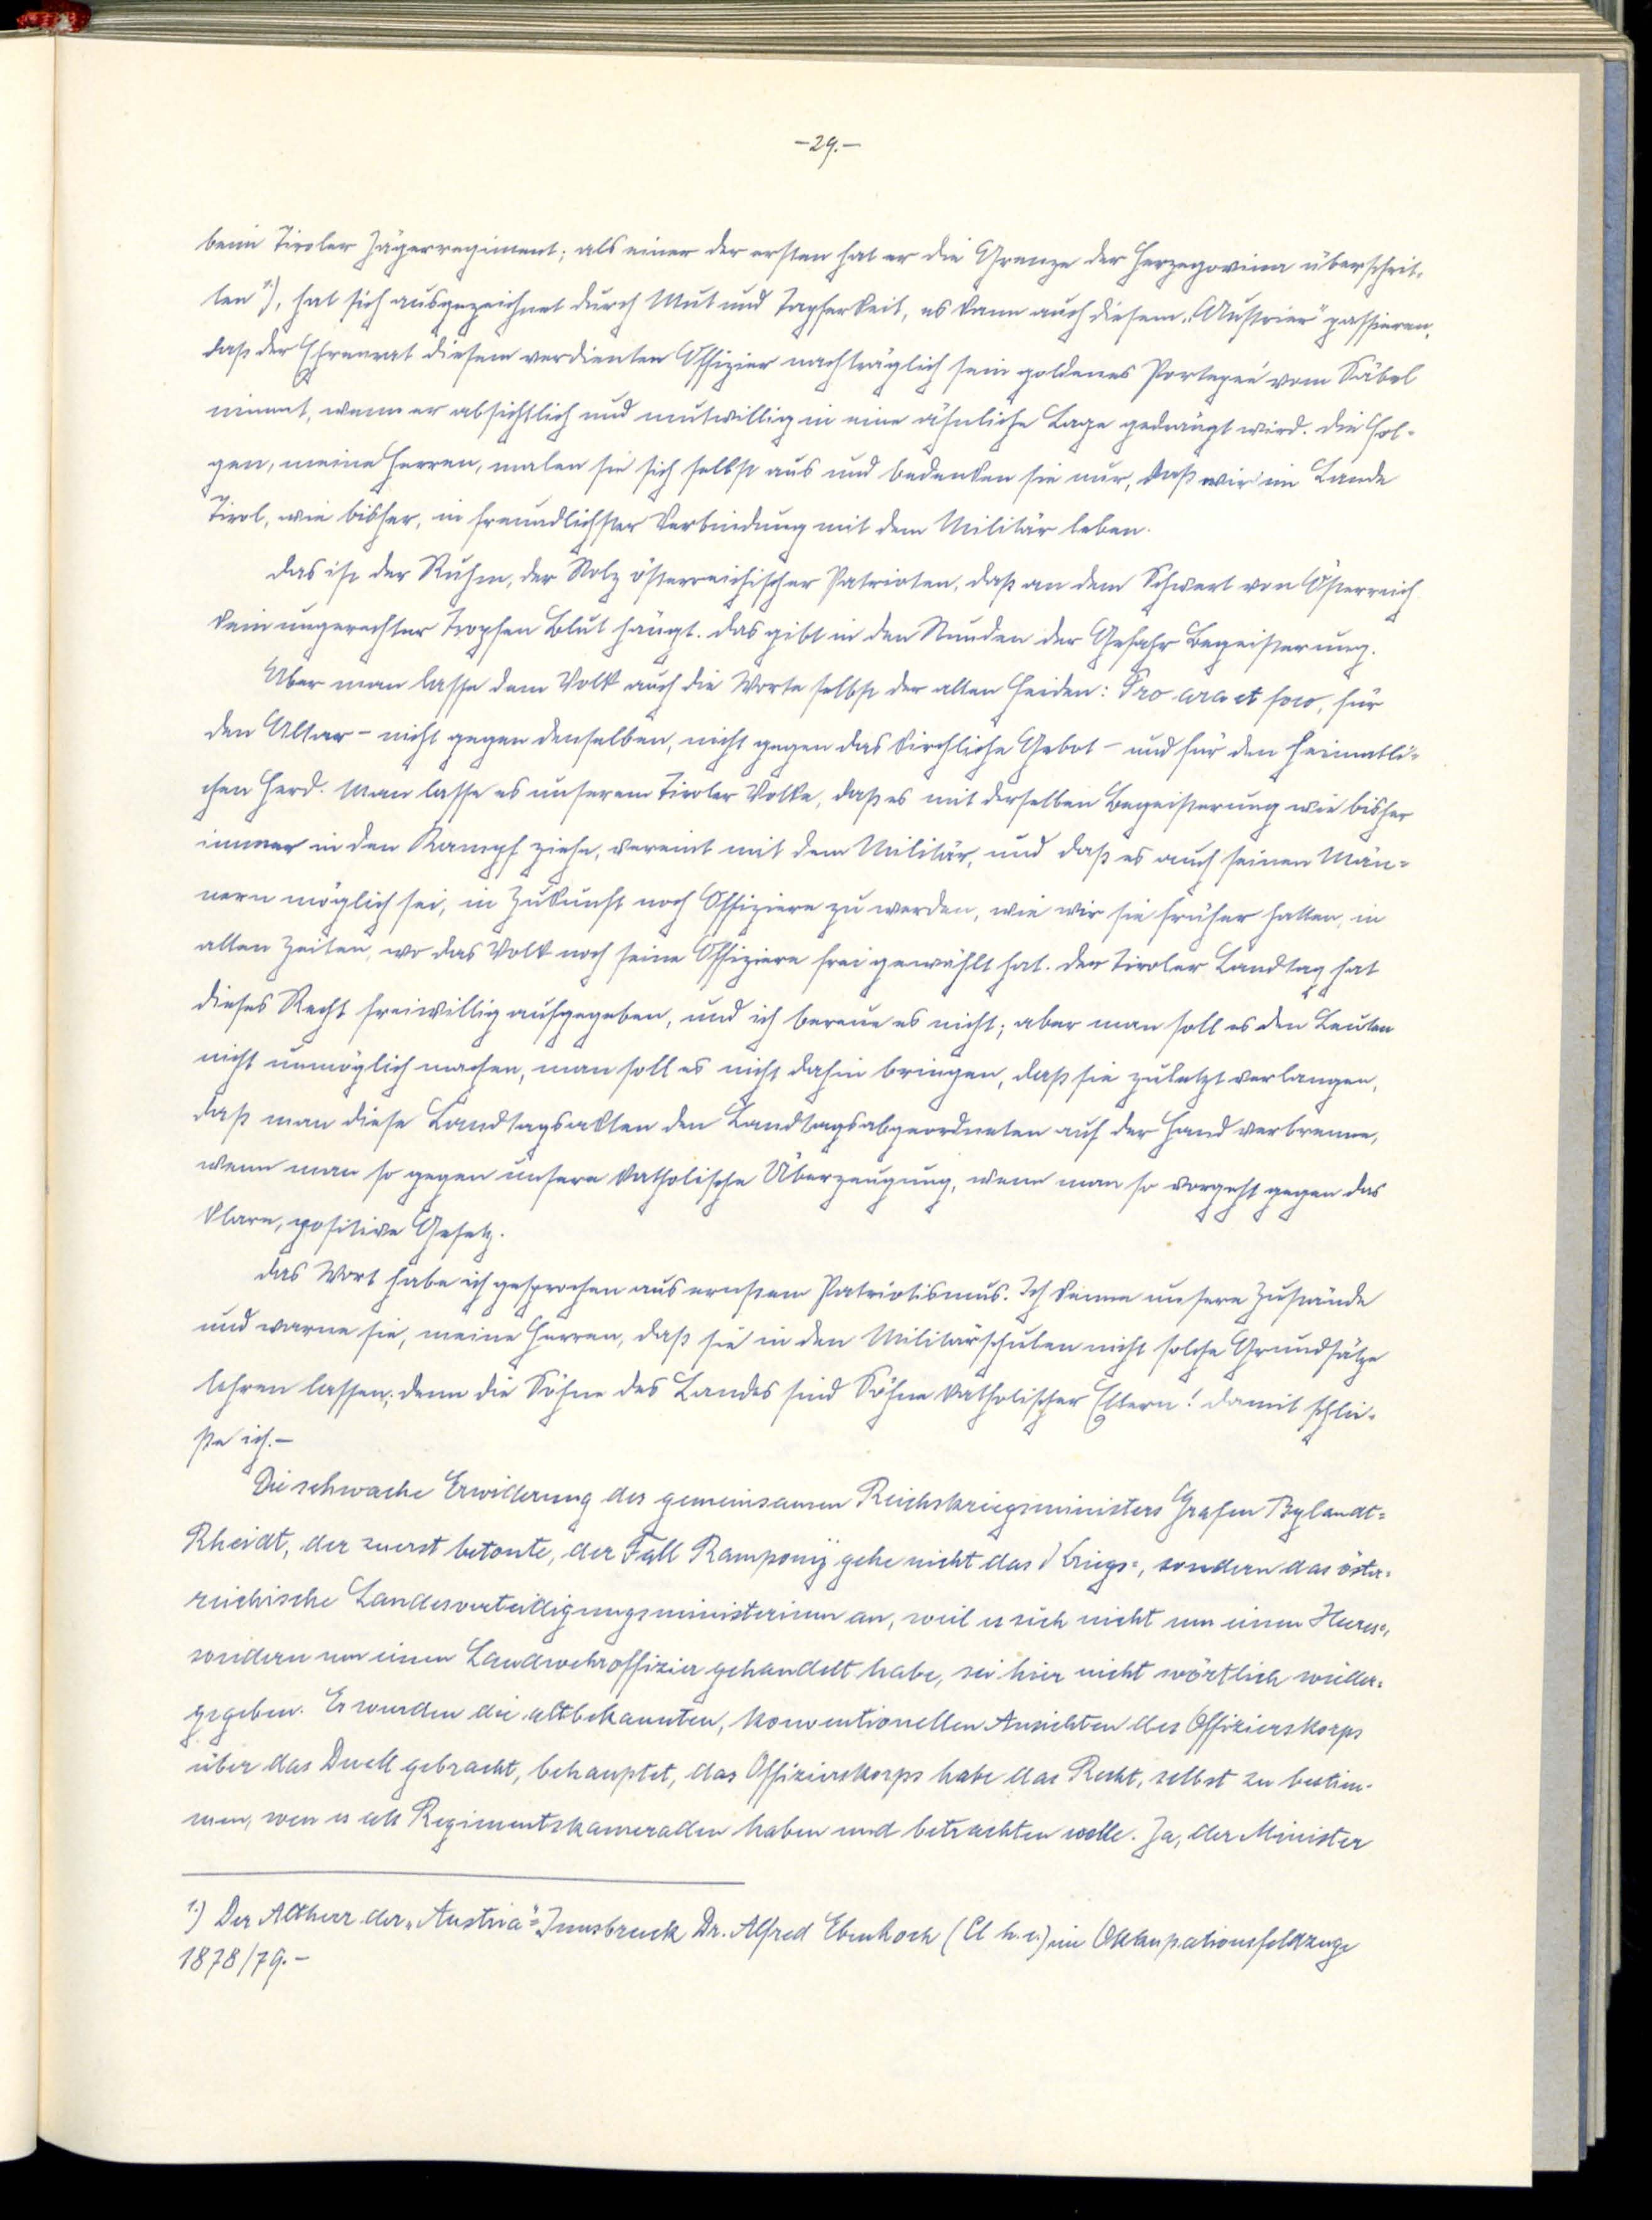24.
beim Tiroler Jägerregiment; als einer der ersten hat er die Grenze der Herzegovina überschrit-
ten 1.), hat sich ausgezeichnet durch Mut und Tapferkeit, es kann auch diesem „Austrier" passieren,
dass der Ehrenrat diesem verdienten Offizier nachträglich sein goldenes Portepée vom Säbel
nimmt, wenn er absichtlich und mutwillig in eine ähnliche Lage gedrängt wird. Die Fol-
gen, meine Herren, malen sie sich selbst aus und bedenken sie nur, daß wir im Lande
Tirol, wie bisher, in freundlichster Verbindung mit dem Militär leben.
das ist der Ruhm, der Stolz österreichischer Patrioten, daß an dem Schwert von Österreich
kein ungerechter Tropfen Blut hängt. Das gibt in den Stunden der Gefahr Begeisterung.
Aber man lasse dem Volk auch die Worte selbst der alten Griechen: Pro ara et foco, für
den Altar - nicht gegen denselben, nicht gegen das kirchliche Gebot - und für den heimatli-
chen Herd. Man lasse es unserem Tiroler Volke, daß es mit derselben Begeisterung wie bisher
immer in den Kampf ziehe, vereint mit dem Militär und daß es auch seinen Män-
nern möglich sei, in Zukunft noch Offiziere zu werden, wie wir sie früher hatten, in
alten Zeiten, wo das Volk noch seine Offiziere frei gewählt hat. Der Tiroler Landtag hat
dieses Recht freiwillig aufgegeben, und ich bereue es nicht; aber man soll es den Leuten
nicht unmöglich machen, man soll es nicht dahin bringen, daß sie zuletzt verlangen,
daß man diese Landtagsakten den Landbagsabgeordneten auf der Hand verbrenne,
wenn man so gegen unsere katholische Überzeugung, wenn man so vergeht gegen das
klare positive Gesetz.
Das Wort habe ich gesprochen aus ernstem Patriotismus. Ich kenne unsere Zustände
und warne sie, meine Herren, daß sie in den Militärschulen nicht solche Grundsätze
lehren lassen, denn die Söhne des Landes sind Söhne katholischer Eltern! Damit schli-
ße ich-
Die schwache Erwiderung des gemeinsamem Reichskriegsministers Grafen Bylandt-
Rheidt, der zuerst betonte, der Fall Ramponij gehe nicht das Kriegs-, sondern das öster-
reichische Landesverteidigungsministerium an, weil es sich nicht um einen Heeres-,
sondern um einen Landwehroffizier gehandelt habe, sei hier nicht wörtlich wieder-
gegeben. Es wurden die altbekannten, konventionellen Ansichten des Offizierskorps
über das Duell gebracht, behauptet, das Offiziskorpss habe das Recht, selbst zu besti-
men, wen es als Regimentskameraden haben und betrachten wolle. Ja, der Minister
1.) Der Altherr der „Austria" - Innsbruck Dr. Alfred Ebenhoch (U.h.c) im Okkupationsfeldzuge
1878/79.-